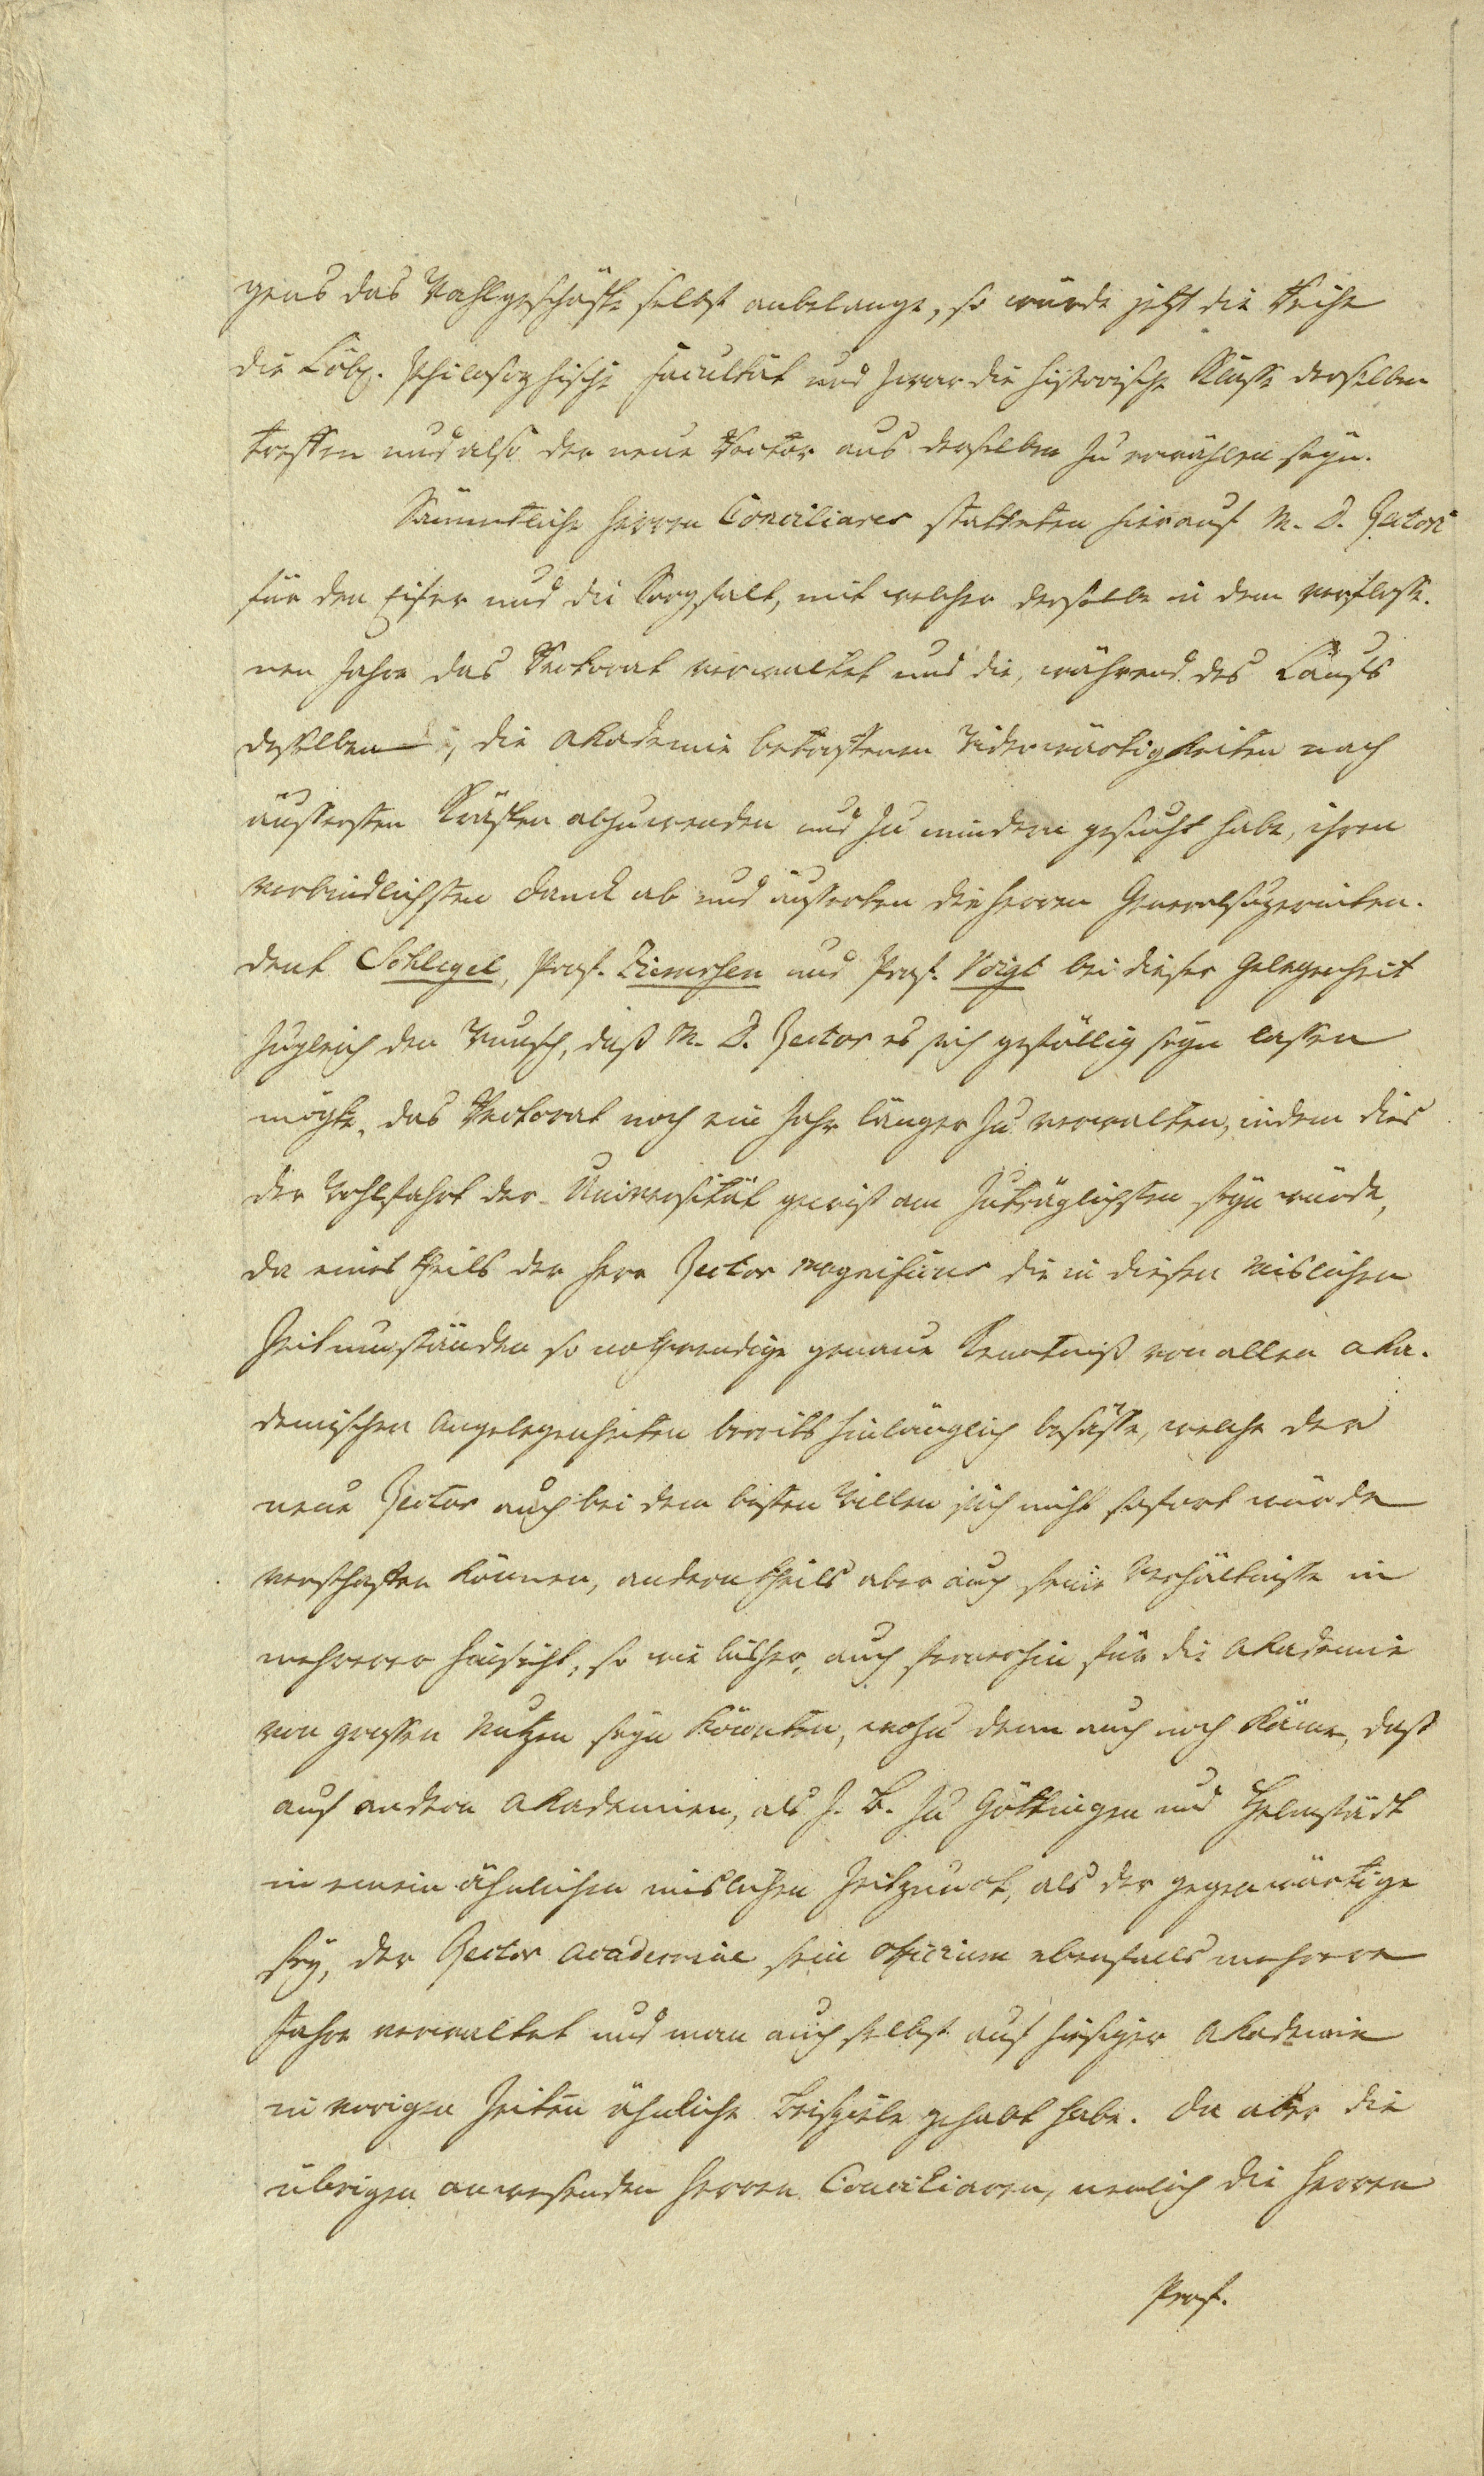gens das Wahlgeschäfte selbst anbelange, so würde jetzt die Reihe
die Löbl. Philosophische Facultät und zwar die historische Klasse derselben
treffen und also der neue Rector aus derselben zu erwählen seÿn.
Sämmtliche Herren Conciliares statteten hierauf M. D. Rectori
für den Eifer und die Sorgfalt, mit welcher derselbe in dem verflosse¬
nen Jahre das Rectorat verwaltet und die während des Laufs
desselben, die Akademie betroffenen Widerwärtigkeiten nach
äussersten Kräften abzuwenden und zu mindern gesucht habe, ihren
verbindlichsten Danck ab und äussersten die Herren Generalsuperinten¬
dent Schlegel, Prof. Ziemssen und Prof. Voigt bei dieser Gelegenheit
zugleich den Wunsch, daß M. D. Rector es sich gefällig seÿn lassen
mögte, das Rectorat noch ein Jahr länger zu verwalten, indem dies
der Wohlfahrt der Universität gewiß am zuträglichsten seÿn würde,
da eines theils der Herr Rector Magnificus die in diesen mislichen
Zeitumständen so nothwendige genaue Kenntniß von allen aka¬
demischen Angelegenheiten bereits hinlänglich besässe, welche der
neue Rector auch bei dem besten Willen sich nicht sofort würde
verschaffen können, andern theils aber auch seine Verhältnisse in
mehrerer Hinsicht; so wie bisher, auch fernerhin für die Akademie
von grossen Nutzen seÿn könnten, wozu denn auch noch käme, daß
auf andern Akademien, als z. B. zu Göttingen und Helmstädt
in einem ähnlichen mislichen Zeitpunct, als der gegenwärtige
seÿ, der Rector Academie sein officium ebenfalls mehrere
Jahre verwaltet und man auch selbst auf hiesiger Akademie
in vorigen Zeiten ähnliche Beispiele gehabt habe. Da aber die
übrigen anwesenden Herren Conciliaren, nemlich die Herren
Prof.